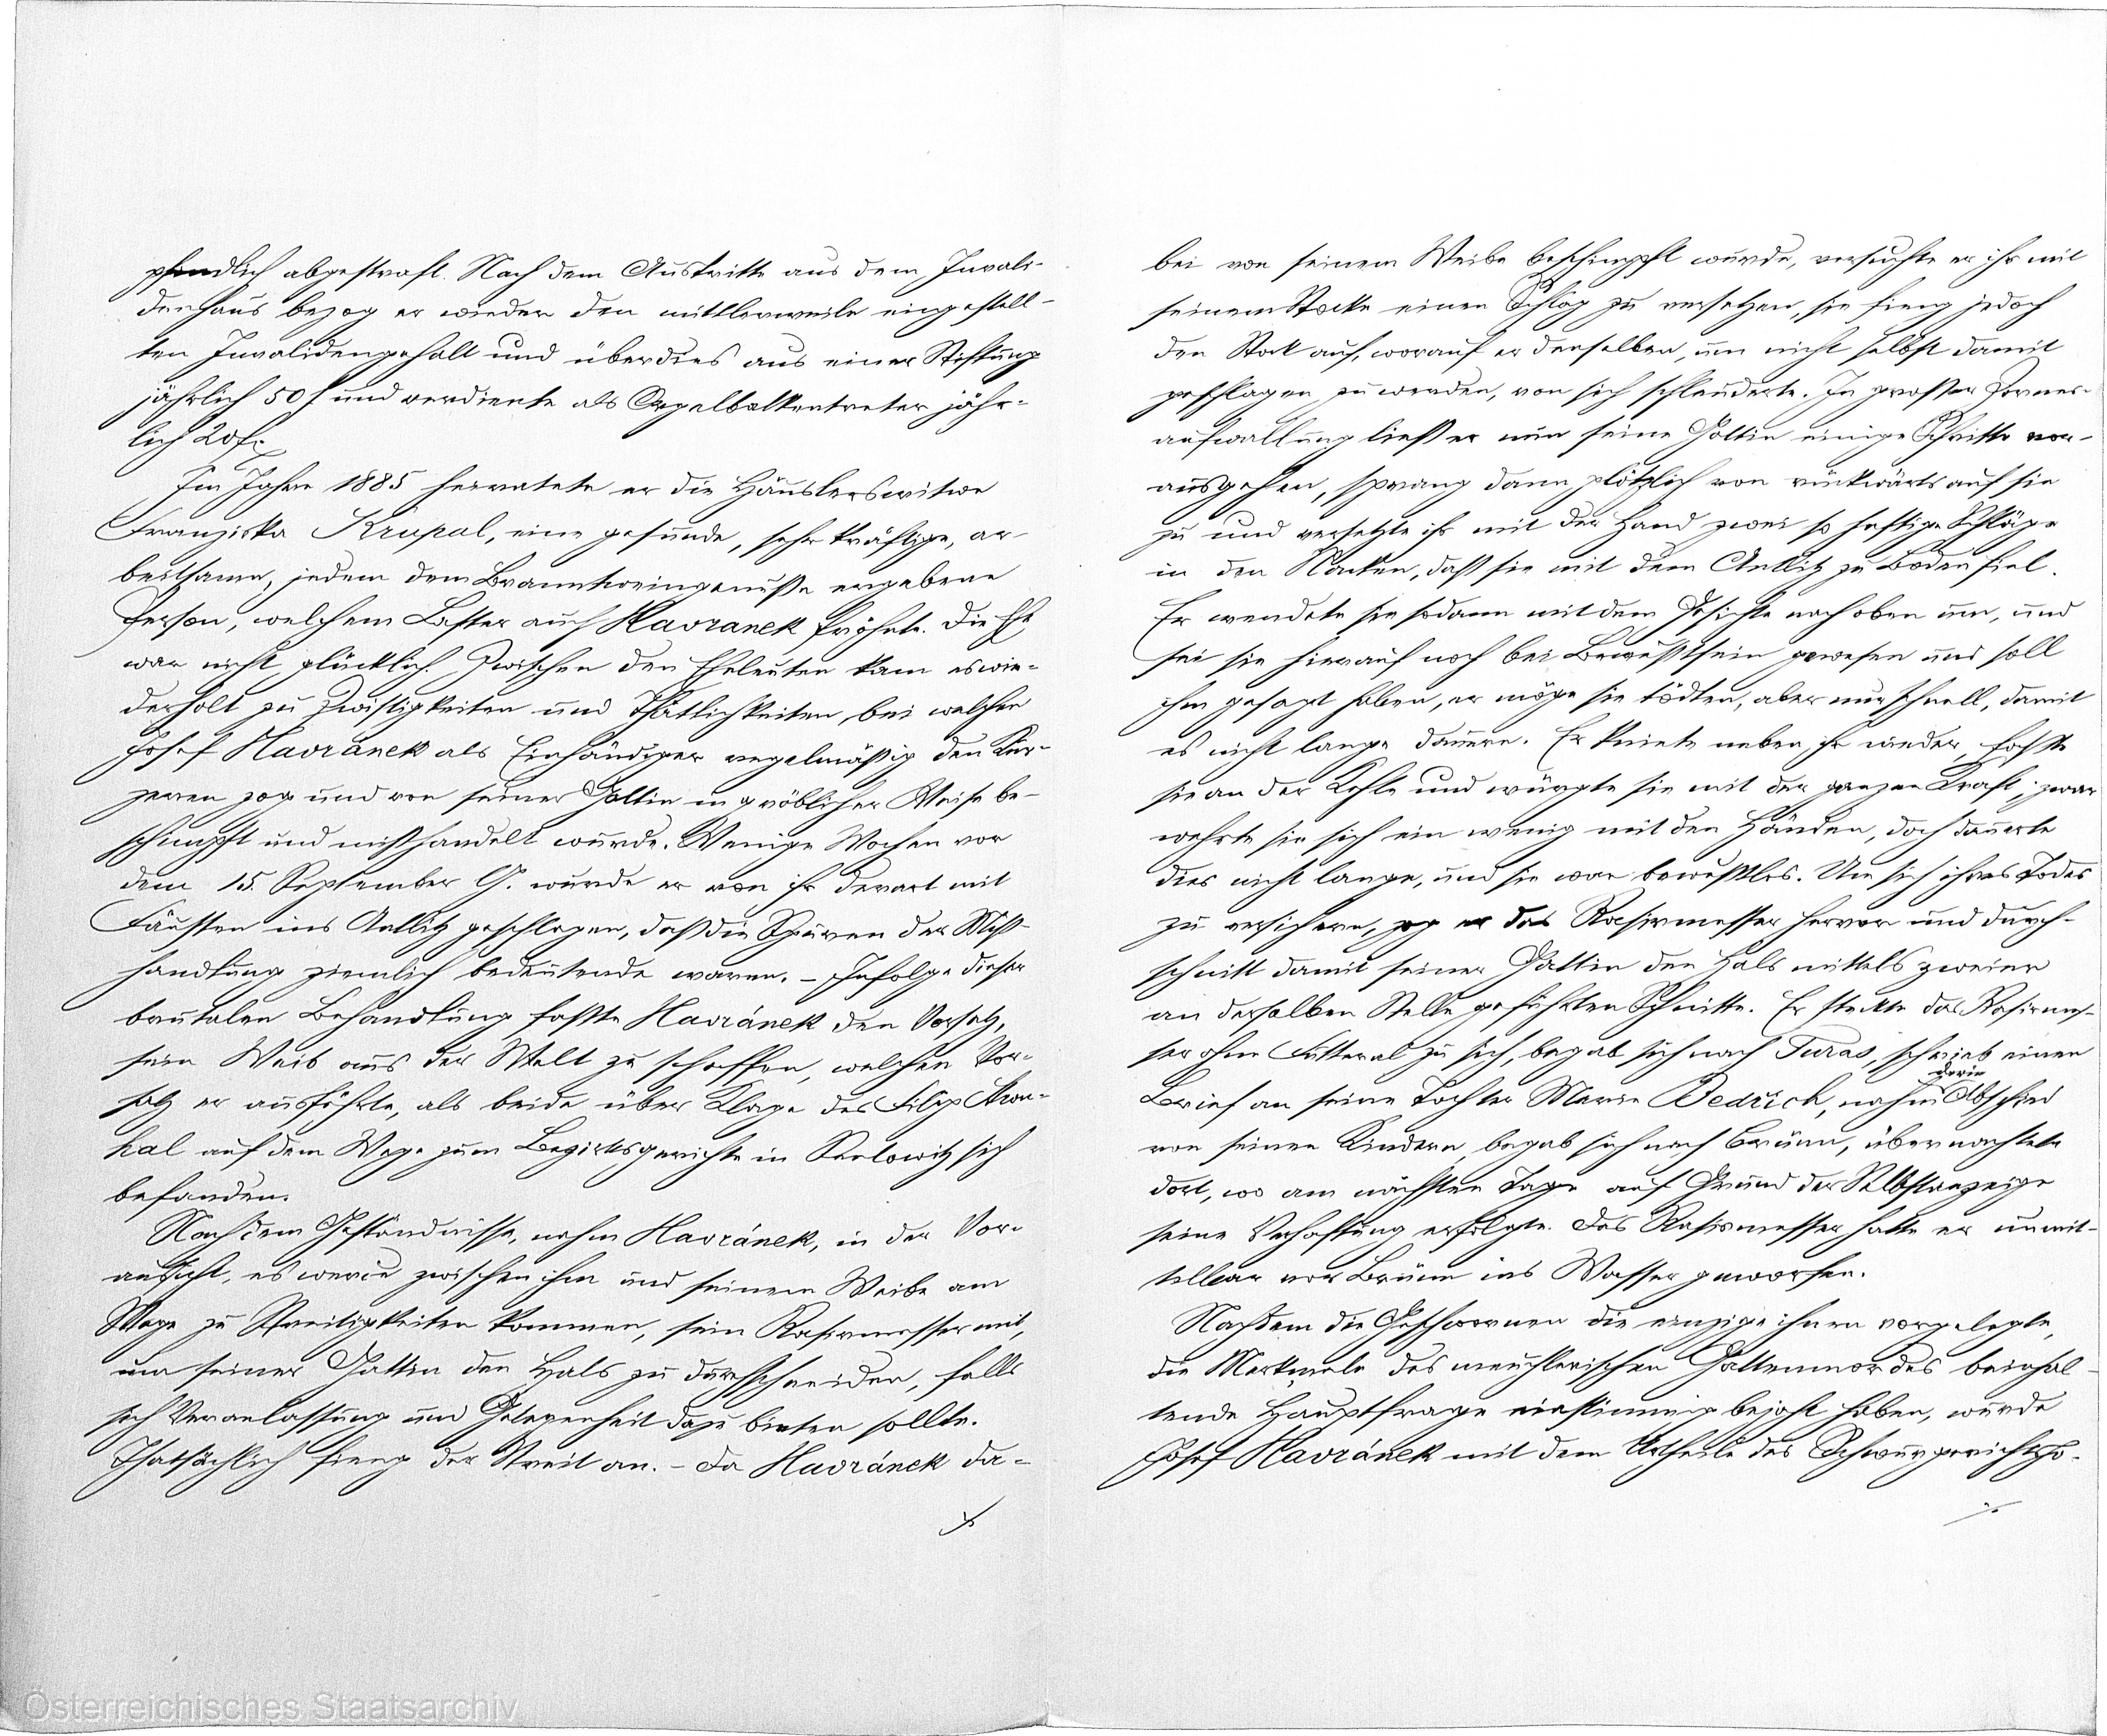pfindlich abgestraft. Nach dem Austritte aus dem Invali¬
denhaus bezog er wieder den mittlerweile eingestell¬
ten Invalidengehalt und überdies aus einer Stiftung
jährlich 50f und verdiente als Orgelbalkentreter jähr¬
lich 20f.
Im Jahre 1885 heiratete er die Häuslerswitwe
Franziska Krupal, eine gesunde, sehr kräftige, ar¬
beitsame, jedem dem Branntweingenuße ergebene
Person, welchem Laster auch Havranek fröhete. Die Ehe
war nicht glücklich. Zwischen den Eheleuten kam es wie¬
derholt zu Zwistigkeiten und Thätlichkeiten bei welcher
Josef Havránek als Einhändiger regelmäßig den kür¬
zeren zog und von seiner Gattin in gröblicher Weise be¬
schimpft und mißhandelt wurde. Wenige Wochen vor
dem 15. September lJ wurde er von ihr derart mit
Fäusten ins Antlitz geschlagen, daß die Spuren der Miß¬
handlung ziemlich bedeutende waren. Infolge dieser
brutalen Behandlung faßte Havránek den Vorsatz,
sein Weib aus der Welt zu schaffen, welchen Vor¬
satz er ausführte, als beide über Klage des Filip Stro¬
nal auf dem Wege zum Bezirksgerichte in Seelowitz sich
befanden.
Nach dem Geständnisse, nahm Havránek, in der Vor¬
aussicht, es werde zwischen ihm und seinem Weibe am
Wege zu Streitigkeiten kommen, sein Rasirmesser mit,
an seiner Gattin den Hals zu durchschneiden, falls
sich Veranlassung und Gelegenheit bieten sollte.
Thatsächlich fieng der Streit an. Da Havránek da¬
bei von seinem Weibe beschimpft wurde, versuchte er ihr mit
seinem Stocke einen Schlag zu versetzten, sie fieng jedoch
den Stock auf, worauf er denselben, um nicht selbst damit
geschlagen zu werden, von sich schleuderte. In großer Zornes¬
aufwallung ließ er nun sene Gattin einige Schritte vor¬
ausgehen, sprang dann plötzlich von rückwärts auf sie
zu und versetzte ihr mit der Hand zwei so festige Schläge
in den Nacken, daß sie mit dem Antlitz zu Boden fiel.
Er wendete sie sodann mit dem Gesichte nach oben um, und
sei sie hierauf noch bei Bewußtsein gewesen und soll
ihm gesagt haben, er möge sie tödten, aber nur schnell, damit
es nicht lange dauere. Er kniete neben ihr wieder, faßte
sie an der Kehle und würgte sie mit der ganzen Kraft, zwar
wehrte sie sich ein wenig mit den Händen, doch dauerte
dies nicht lange, und sie war bewußtlos. Um sich ihres Todes
zu ersichern, zog er das Raisermesser hervor und durch¬
schnitt damit seiner Gattin den Hals mittels zweier
an derselben Stelle geführten Schnitte. Er steckte das Rasirmes¬
ser ohne Futteral [sheath] zu sich, begab sich nach Turas, schrieb einen
Brief an seine Tochter Marie Bedřioh, nahm darin Abschied
von seinen Kindern, begab sich noch Brünn, übernachtete
dort, wo am nächsten Tage auf Grund der Seltanzeige
seine Verhaftung erfolgte. Das Rasirmesser hatte er unmit¬
telbar vor Brünn ins Wasser geworfen.
Nachdem die Geschworene die einzige ihnen vorgelegte
die Merkmale des meuchlerischen Gattenmordes beinhal¬
tende Hauptfrage einstimmig bejaht haben, wurde
Josef Havránek mit dem Urtheile des Schwurgerichtsho¬